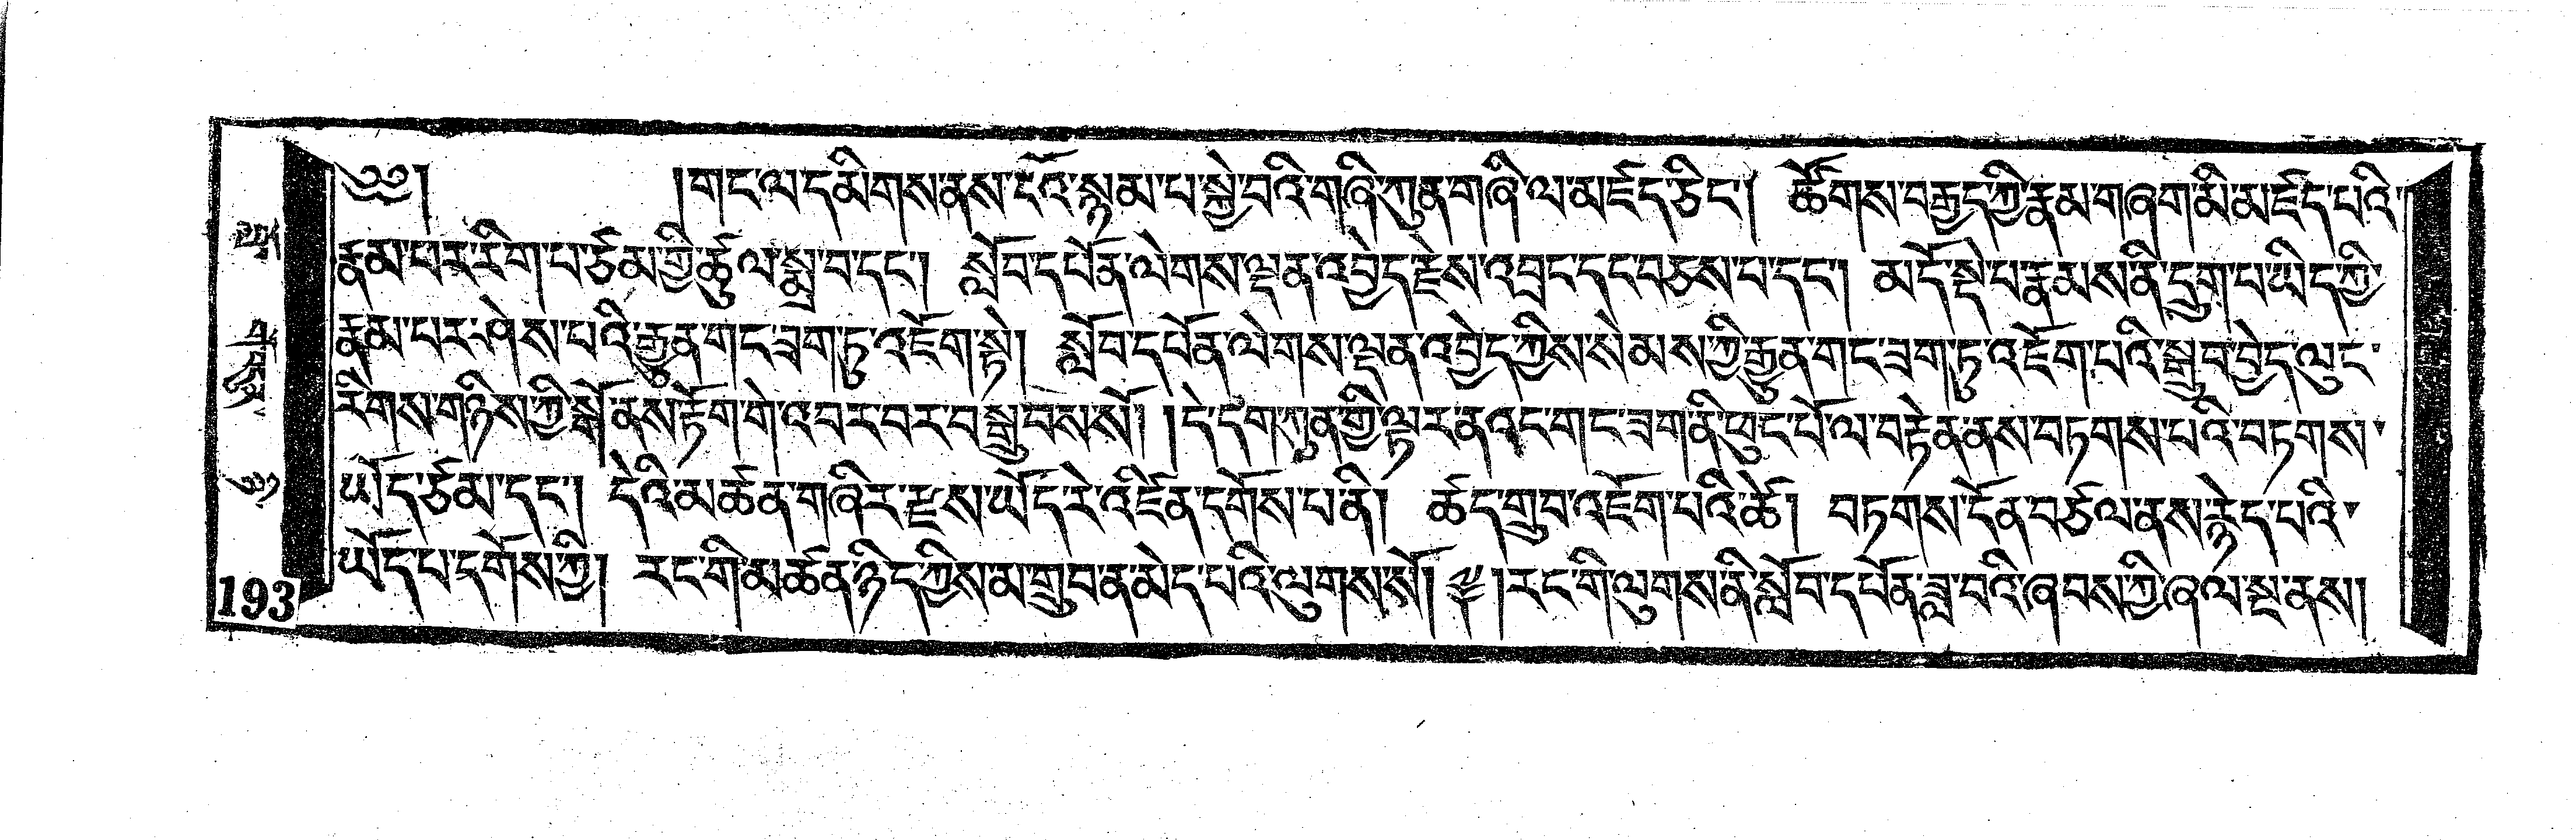༄༅། །གང་ལ་དམིགས་ནས་ངའོ་སྙམ་པ་སྐྱེ་བའི་གཞི་ཀུན་གཞི་ལ་མཛད་ཅིང་། ཚོགས་བརྒྱད་ཀྱི་རྣམ་གཞག་མི་མཛད་པའི་
རྣམ་པར་རིག་པ་ཙམ་གྱི་ཚུལ་སྨྲ་བ་དང་། སློབ་དཔོན་ལེགས་ལྡན་འབྱེད་རྗེས་འབྲང་དང་བཅས་པ་དང་། མདོ་སྡེ་པ་རྣམས་ནི་དྲུག་པ་ཡིད་ཀྱི་
རྣམ་པར་ཤེས་པའི་རྒྱུན་གང་ཟག་ཏུ་འཇོག་སྟེ། སློབ་དཔོན་ལེགས་ལྡན་འབྱེད་ཀྱིས་སེམས་ཀྱི་རྒྱུན་གང་ཟག་ཏུ་འཇོག་པའི་སྒྲུབ་བྱེད་ལུང་
རིགས་གཉིས་ཀྱི་སྒོ་ནས་རྟོག་གེ་འབར་བར་བསྒྲུབས་སོ། །དེ་དག་ཀུན་གྱི་ལྟར་ནའང་གང་ཟག་ནི་ཕུང་པོ་ལ་བརྟེན་ནས་བཏགས་པའི་བཏགས་
ཡོད་ཙམ་དང་། དེའི་མཚན་གཞིར་རྫས་ཡོད་རེ་འཛིན་དགོས་པ་ནི། ཚད་གྲུབ་འཇོག་པའི་ཚེ། བཏགས་དོན་བཙལ་ནས་རྙེད་པའི་
ཡོད་པ་དགོས་ཀྱི། རང་གི་མཚན་ཉིད་ཀྱིས་མ་གྲུབ་ན་མེད་པའི་ལུགས་སོ། ༈ །རང་གི་ལུགས་ནི་སློབ་དཔོན་ཟླ་བའི་ཞབས་ཀྱི་ཞལ་སྔ་ནས།